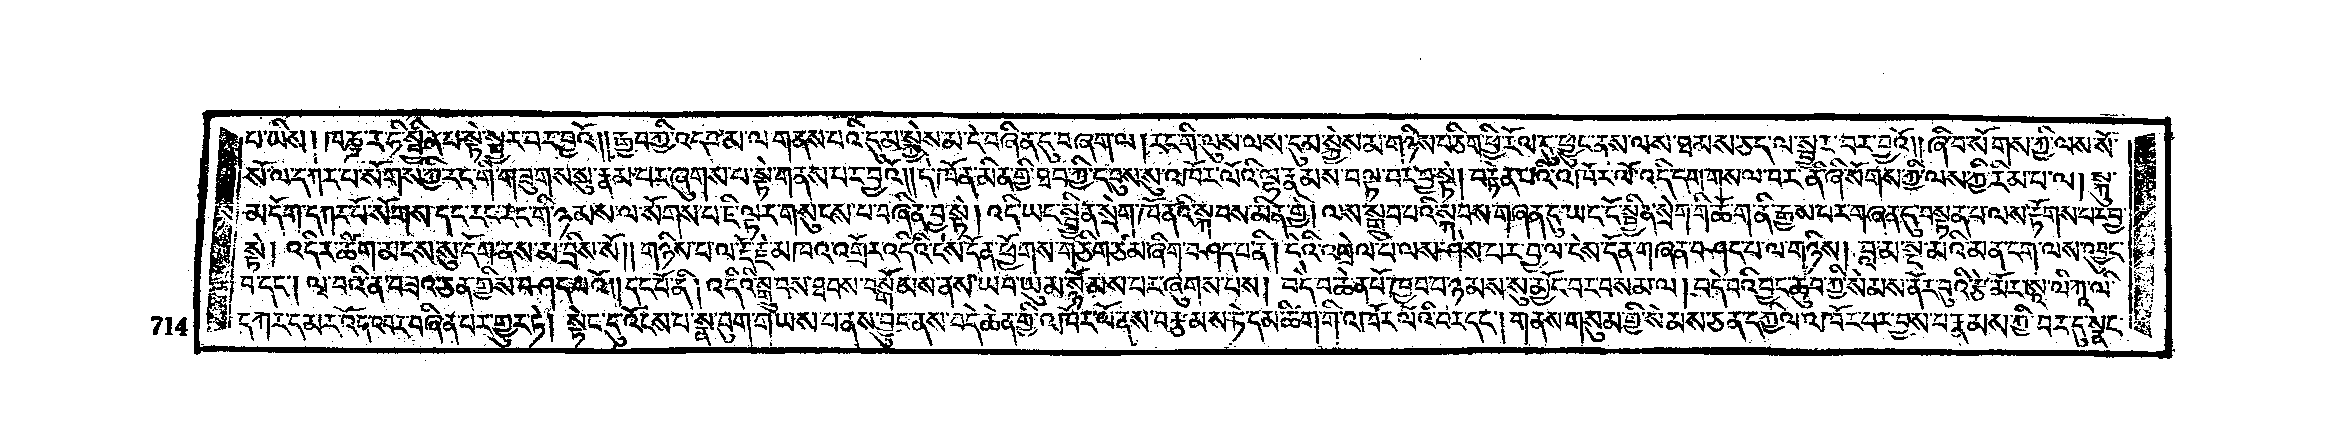པ་ཡིས། ཁཎྜ་ར་ཧི་སྦྱིན་པ་སྟེ་སྦྱར་བར་བྱའོ། །རྒྱབ་ཀྱི་འདབ་མ་ལ་གནས་པའི་དུམ་སྐྱེས་མ་དེ་བཞིན་དུ་བཞག་ལ། རང་གི་ལུས་ལས་དུམ་སྐྱེས་མ་གཉིས་པ་ཅིག་ཕྱི་རོལ་དུ་ཕྱུང་ནས་ལས་ཐམས་ཅད་ལ་སྦྱར་བར་བྱའོ། །ཞི་བ་སོགས་ཀྱི་ལས་སོ་
སོ་ལ་དཀར་པོ་སོགས་ཀྱི་རང་གི་གཟུགས་སུ་རྣམ་པར་ཞུགས་པ་སྟེ་གནས་པར་བྱའོ། །དེ་ཁོ་ན་མིན་གྱི་ཐབ་ཀྱི་དབུས་སུ་འཁོར་ལོའི་ལྷ་རྣམས་བལྟ་བར་བྱ་སྟེ། བརྟེན་པའི་འཁོར་ལོ་འདི་དག་གསལ་བར་ནི་ཞི་སོགས་ཀྱི་ལས་ཀྱི་རིམ་པ་ལ། སྐུ་
མདོག་དཀར་པོ་སོགས་དང་རང་རང་གི་ཉམས་ལ་སོགས་པ་ཇི་ལྟར་གསུངས་པ་བཞིན་བྱ་སྟེ། འདི་ཡང་སྦྱིན་སྲེག་ཁོ་ནའི་སྐབས་མིན་གྱི། ལས་སྒྲུབ་པའི་སྐབས་གཞན་དུ་ཡང་ངོ་སྦྱིན་སྲེག་གི་ཆོ་ག་ནི་རྒྱས་པར་གཞན་དུ་བསྟན་པ་ལས་རྟོགས་པར་བྱ་
སྟེ། འདིར་ཚིག་མངས་སུ་དོག་ནས་མ་བྲིས་སོ། །གཉིས་པ་ལ་རྡོ་རྗེ་མཁའ་འགྲོར་འདིའི་ངེས་དོན་ཕྱོགས་གཅིག་ཙམ་ཞིག་བཤད་པ་ནི། དེའི་འགྲེལ་པ་ལས་ཤེས་པར་བྱ་ལ་ངེས་དོན་གཞན་བཤད་པ་ལ་གཉིས། བླ་མ་སྔ་མའི་མན་ངག་ལས་འབྱུང་
བ་དང་། ལྭ་བའི་ན་བཟའ་ཅན་གྱིས་བཤད་པའོ། །དང་པོ་ནི། འདིའི་སྒྲུབས་ཐབས་བསྒོམས་ནས་ཡབ་ཡུམ་སྙོམས་པར་ཞུགས་པས། བདེ་བ་ཆེན་པོ་ཁྱབ་པ་ཉམས་སུ་མྱོང་བར་བསམ་ལ། བདེ་བའི་བྱང་ཆུབ་ཀྱི་སེམས་ནོར་བུའི་རྩེ་མོར་ཨཱ་ལི་ཀཱ་ལི་
དཀར་དམར་འོད་འབར་བཞིན་པར་གྱུར་ཏེ། སྟེང་དུ་འོངས་པ་སྣ་བུག་གཡས་པ་ནས་བྱུང་ནས་བདེ་ཆེན་གྱི་འཁོར་ལོ་ནས་བརྩམས་ཏེ་དམ་ཚིག་གི་འཁོར་ལོའི་བར་དང་། གནས་གསུམ་གྱི་སེམས་ཅན་དཀྱིལ་འཁོར་པར་བྱས་པ་རྣམས་ཀྱི་བར་དུ་སྣང་